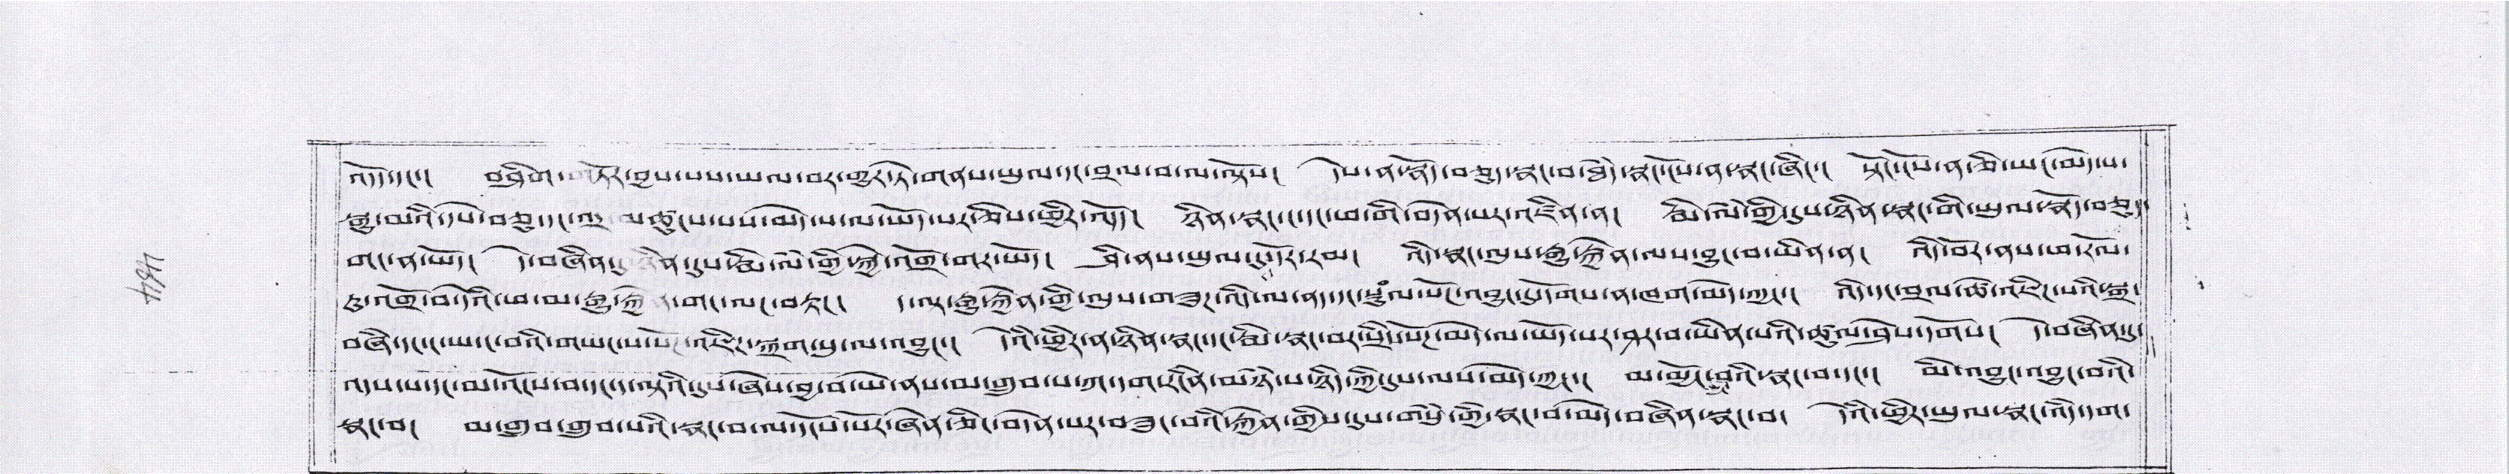འདོིད་དང་བཤིག་གཏོར་བྱས་པས་ཡལ་བར་གྱུར་ཏེ་གནས་ཡུལ་དང་བྲལ་བ་ལ་ལྟོས། དེས་ན་སྣོད་བཅུད་སྣང་བ་ཐམས་ཅད་སྣང་ངོས་ན་སྣང་ཞིང་སྟོང་ངོས་ན་ཅི་ཡང་མེད་པ་
སྒྱུ་མའི་དཔེ་བཅུ་དང་འདྲ་མཚུངས་པས་མེད་པ་ལ་ཡོད་པར་ཅིའི་ཕྱིར་འདོད། ཉིན་སྣང་ང་དང་ཕ་གི་བདེན་པར་འཛིན་ན། རྨི་ལམ་གྱི་དུས་ཉིན་སྣང་གི་ཡུལ་སྣོད་བཅུད་
གང་ན་ཡོད། དེ་བཞིན་དུ་ཉིན་དུས་རྨི་ལམ་གྱི་སྐྱེ་འགྲོ་གར་ཡོད། ཤི་ནས་ཡུལ་དུ་དོར་རམ། འདི་སྣང་ལུས་རྒྱུ་རྐྱེན་ལས་བྱུང་བ་ཡིན་ན། འདི་བོར་ནས་ཕ་རོལ་
དུ་འགྲོ་བ་དེའི་ཕ་མ་རྒྱུ་རྐྱེན་གང་ལགས་བརྟགས། ད་ལྟ་རྒྱུ་རྐྱེན་གྱི་ལུས་གཟུགས་འདི་ལ་ནད་དང་སྡུག་བསྔལ་སོགས་འབྱུང་དུ་དགོས་ན་ཁག་མེད་ཀྱང་འདི་དང་བྲལ་ཚེ་འཇིགས་པའི་སྒྲ་
བཞི་དང་ཡ་ང་བའི་གཡང་ས་སོགས་འཇིགས་སྐྲག་སུ་ལ་འབྱུང་། དེའི་ཕྱིར་ན་ཉིན་སྣང་དང་རྨི་སྣང་བར་སྲིད་སོགས་མེད་ལ་ཡོད་པར་ཤར་བ་ཡིན་པའི་ཚུལ་ཤེས་དགོས། དེ་བཞིན་དུ་
འདས་པ་དང་མ་འོངས་པ་དང་ད་ལྟའི་དུས་ཞེས་བྱ་བ་ཡེ་ནས་མ་གྲུབ་པ་ཀ་དག་རང་བཞིན་མཉམ་པ་ཉིད་ཀྱི་དུས་ལས་མེད་ཀྱང་། མ་མྱོང་མྱོང་བའི་སྣང་བ། མི་འབྱུང་འབྱུང་བའི་
སྣང་བ། མ་གྲུབ་གྲུབ་པའི་སྣང་བ་ལ་དངོས་པོར་ཞེན་ཅིང་བདེན་པར་བཟུང་བའི་རྐྱེན་གྱིས་དུས་གསུམ་གྱི་སྣང་བ་མེད་བཞིན་སྣང་བ། དེའི་ཕྱིར་ཡུལ་སྣང་འདི་དག་